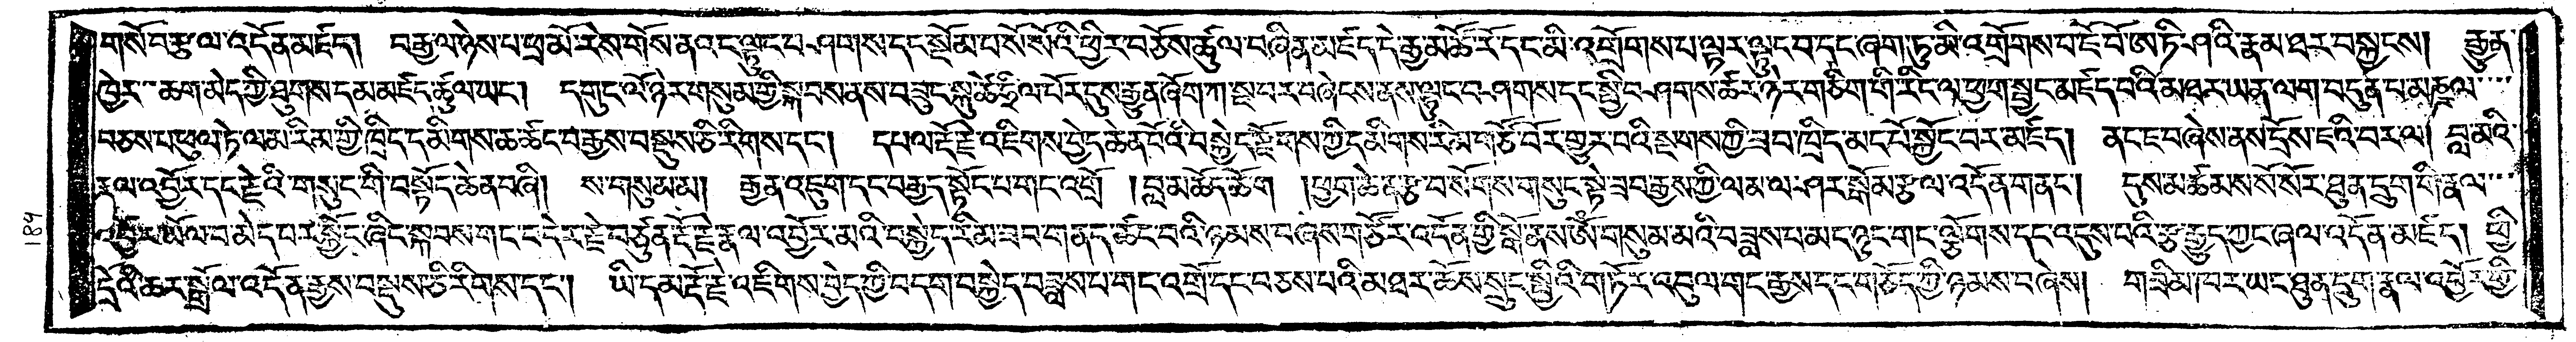གསོབ་རྩལ་འདོན་མཛད། བརྒྱ་ལ་ཉེས་པ་ཕྲ་མོ་རེས་གོས་ནའང་ལྟུང་བཤགས་དང་སྔོམ་པ་སོ་སོའི་ཕྱིར་བཅོས་ཚུལ་བཞིན་མཛད་དེ་རྒྱ་མཚོར་དང་མི་འགྲོགས་པ་ལྟར་ལྟུང་བ་དང་ཞག་ཏུ་མི་འགྲོགས་པ་ཇོ་བོ་ཨ་ཏི་ཤའི་རྣམ་ཐར་བསྐྱངས། རྒྱུན་
ཁྱེར་ཆག་མེད་ཀྱི་ཐུགས་དམ་མཛད་ཚུལ་ཡང་། དགུང་ལོ་ཉེར་གསུམ་གྱི་སྐབས་ནས་བཟུང་སྐུ་ཚེ་ཧྲིལ་པོར་དུས་རྒྱུན་ཞོག་ཀ་སྔ་བར་བཞེངས་ནས་ལྟུང་བཤགས་དང་སྤྱི་བཤགས་ཚར་ཉེར་གཅིག་གི་རིང་ལ་ཕྱག་སྦྱང་མཛད་བའི་མཐར་ཡན་ལག་བདུན་པ་མཎྜལ་
བཅས་པ་ཕུལ་ཏེ་ལམ་རིམ་གྱི་ཁྲིད་དམིགས་ཆ་ཚང་བརྒྱས་བསྡུས་ཅི་རིགས་དང་། དཔལ་རྡོ་རྗེ་འཇིགས་བྱེད་ཆེན་པོའི་བསྐྱེད་རྫོགས་ཀྱི་དམིགས་རིམ་གཙོ་བོར་གྱུར་པའི་སྔགས་ཀྱི་ཟབ་ཁྲིད་མང་པོ་སྐྱོང་བར་མཛད། ནང་ཇ་བཞེས་ནས་དྲོས་ཇའི་བར་ལ། བླ་མའི་
རྣལ་འབྱོར་དང་རྗེའི་གསུང་གི་བསྟོད་ཆེན་བཞི། ས་གསུམ་མ། རྒྱན་འཇུག་དང་བརྒྱད་སྟོང་པ་གང་འགྲོ་།བླ་མཆོད་ཆོག །ཕྱག་ཆེན་རྩ་བ་སོགས་གསུང་སྟེ་ཟབ་རྒྱས་ཀྱི་ལམ་ལ་ཤར་སྒོམ་རྩལ་འདོན་གནང་། དུས་མཚམས་སོ་སོར་ཐུན་དྲུག་གི་རྣལ་
འབྱོར་ཡོལ་བ་མེད་བར་སྐྱོང་ཞིང་སྐབས་གང་བདེར་རྗེ་བཙུན་རྡོ་རྗེ་རྣལ་འབྱོར་མའི་བསྐྱེད་རིམ་ཟབ་གནད་ཚང་བའི་ཉམས་བཞེས་གཙོར་འདོན་གྱི་སྒོ་ནས་ཨོཾ་གསུམ་མའི་བཟླས་བ་མང་ཉུང་གང་ལྕོགས་དང་འདུས་པའི་རྩ་རྒྱུད་ཀྱང་ཞལ་འདོན་མཛད། ཕྱི་
དྲོའི་ཆར་སྒྲོལ་འདོན་རྒྱས་བསྡུས་ཅི་རིགས་དང་། ཡི་དམ་རྡོ་རྗེ་འཇིགས་བྱེད་ཀྱི་བདག་བསྐྱེད་བཟླས་པ་གང་འགྲོ་དང་བཅས་པའི་མཐར་ཆོས་སྲུང་སྤྱིའི་གཏོར་འབུལ་གང་རྒྱས་དང་གཅོད་ཀྱི་ཉམས་བཞེས། གཟིམ་ཁར་ཡང་ཐུན་དྲུག་རྣལ་འབྱོར་གྱི་